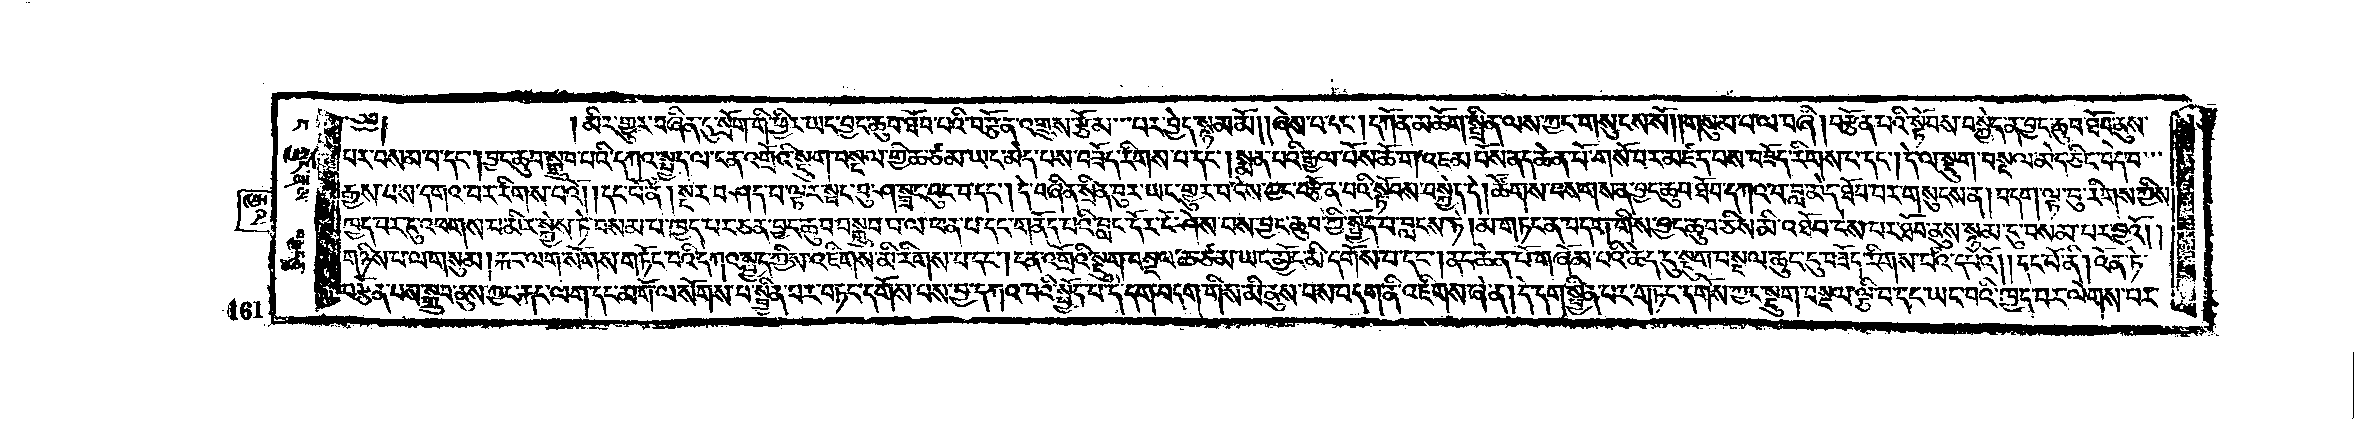༄༅། །མིར་གྱུར་བཞིན་དུ་སྲོག་གི་ཕྱིར་ཡང་བྱང་ཆུབ་ཐོབ་པའི་བརྩོན་འགྲུས་རྩོམ་པར་བྱེད་སྙམ་མོ། །ཞེས་པ་དང་། དཀོན་མཆོག་སྤྲིན་ལས་ཀྱང་གསུངས་སོ། །གསུམ་པ་ལ་བཞི། བརྩོན་པའི་སྟོབས་བསྐྱེད་ན་བྱང་ཆུབ་ཐོབ་ནུས་
པར་བསམ་པ་དང་། བྱང་ཆུབ་སྒྲུབ་པའི་དཀའ་སྤྱད་ལ་ངན་འགྲོའི་སྡུག་བསྔལ་གྱི་ཆ་ཙམ་ཡང་མེད་པས་བཟོད་རིགས་པ་དང་། སྨན་པའི་རྒྱལ་པོས་ཆོ་ག་འཇམ་པོས་ནད་ཆེན་པོ་གསོ་བར་མཛད་པས་བཟོད་རིགས་པ་དང་། དེ་ལ་སྡུག་བསྔལ་མེད་ཅིང་བདེ་བ་
རྒྱས་པས་དགའ་བར་རིགས་པའོ། །དང་པོ་ནི། སྔར་བཤད་པ་ལྟར་སྤང་བུ་ཤ་སྦྲུང་བུང་བ་དང་། དེ་བཞིན་སྲིན་བུར་ཡང་གྱུར་པ་ངེས་ཀྱང་བརྩོན་པའི་སྟོབས་བསྐྱེད་དེ། ཚོགས་བསགས་ན་བྱང་ཆུབ་ཐོབ་དཀའ་བ་བླ་མེད་ཐོབ་པར་གསུངས་ན། བདག་ལྟ་བུ་རིགས་ཀྱིས་
ཁྱད་པར་དུ་འཕགས་པ་མིར་སྐྱེས་ཏེ་བསམ་པ་ཁྱད་པར་ཅན་བྱང་ཆུབ་བསྒྲུབ་པ་ལ་ཕན་པ་དང་གནོད་པའི་བླང་དོར་ངོ་ཤེས་པས་བྱང་ཆུབ་ཀྱི་སྤྱོད་པ་བླངས་ཏེ། མ་གཏང་ན་བདག་གིས་བྱང་ཆུབ་ཅིས་མི་འཐོབ་ངེས་པར་ཐོབ་ནུས་སྙམ་དུ་བསམ་པར་བྱའོ། །
གཉིས་པ་ལ་གསུམ། རྐང་ལག་སོགས་གཏོང་བའི་དཀའ་སྤྱད་ཀྱིས་འཇིགས་མི་རིགས་པ་དང་། ངན་འགྲོའི་སྡུག་བསྔལ་ཆ་ཙམ་ཡང་མྱོང་མི་དགོས་པ་དང་། ནད་ཆེན་པོ་གཞོམ་པའི་ཆེད་དུ་སྡུག་བསྔལ་ཆུང་ངུ་བཟོད་རིགས་པའི་དཔེའོ། །དང་པོ་ནི། འོན་ཏེ་
བརྩོན་པས་སྒྲུབ་ནུས་ཀྱང་རྐང་ལག་དང་མགོ་ལ་སོགས་པ་སྦྱིན་པར་བཏང་དགོས་པས་བྱ་དཀའ་བའི་སྤྱོད་པ་དེ་དག་བདག་གིས་མི་ནུས་པས་བདག་ནི་འཇིགས་ཞེ་ན། དེ་དག་སྦྱིན་པར་གཏང་དགོས་ཀྱང་སྡུག་བསྔལ་ལྕི་བ་དང་ཡང་བའི་ཁྱད་པར་ལེགས་པར་